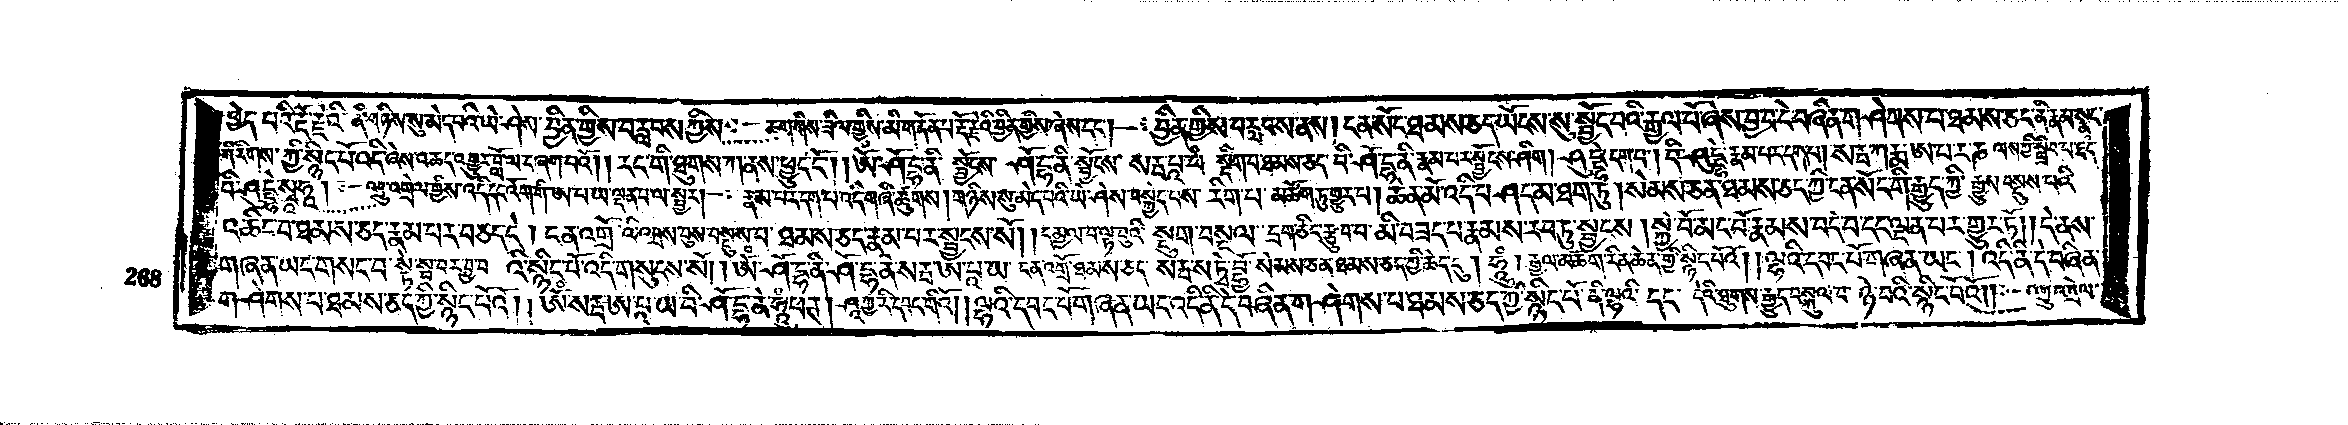ཕྱེད་པའི་རྡོ་རྗེའི་ནི་གཉིས་སུ་མེད་པའི་ཡེ་ཤེས་བྱིན་གྱིས་བརླབས་ཀྱིསཿ་ཆག་གིས་ཟིལ་གྱིས་མི་གནོན་པ་རྡོ་རྗེའི་བྱིན་གྱིས་ཞེས་དང་། བྱིན་གྱིས་བརླབས་ནས། ངན་སོང་ཐམས་ཅད་ཡོངས་སུ་སྦྱོང་བའི་རྒྱལ་པོ་ཞེས་བྱ་བ་དེ་བཞིན་གཤེགས་པ་ཐམས་ཅད་ནི་རྣམ་སྣང་
གི་རིགས་ཀྱི་སྙིང་པོ་འདི་ཞེས་འཆད་འགྱུར་བློ་ལ་བཞག་པའོ། །རང་གི་ཐུགས་ཀ་ནས་ཕྱུང་ངོ། །ཨོཾ་ཤོ་དྷ་ནི་སྦྱོངས་ཤོ་དྷ་ནི་སྦྱོངས་སརྦ་པཱ་པཾ་སྡིག་པ་ཐམས་ཅད་བི་ཤོ་དྷ་ནི་རྣམ་པར་སྦྱོངས་ཤིག། ཤུདྡྷེ་དག་པ། བི་ཤུདྡྷེ་རྣམ་པར་དག་པ། སརྦ་ཀ་རྨ་ཨ་པ་ར་ཎ་ལས་ཀྱིས་གྲིབ་པ་ཐམས་
བི་ཤུདྡྷེ་སྭཱཧཱ། འབྲུ་འགྲེལ་གྱིས་འདི་དང་འོག་གི་ཨ་པ་ཡ་ལྡན་པ་ལ་སྦྱར། རྣམ་པར་དག་པ་འདི་གཞི་ཚུགས། གཉིས་སུ་མེད་པའི་ཡེ་ཤེས་བསྐྱེད་པས་རིག་པ་མཆོག་ཏུ་གྱུར་པ།  ཆེན་མོ་འདི་བཤད་མ་ཐག་ཏུ། སེམས་ཅན་ཐམས་ཅད་ཀྱི་ངན་སོང་གི་རྒྱུད་ཀྱི་རྒྱུས་བསྡུས་པའི
འཆིང་བ་ཐམས་ཅད་རྣམ་པར་བཅད་དེ། ངན་འགྲོའི་འབྲས་བུས་བསྡུས་པ་ཐམས་ཅད་རྣམ་པར་སྦྱངས་སོ། །དམྱལ་བ་ལྟ་བུའི་སྡུག་བསྔལ་དྲག་ཅིང་རྩུབ་པ་མི་བཟད་པ་རྣམས་རབ་ཏུ་སྦྱངས། སྐྱེ་བོ་མང་པོ་རྣམས་བདེ་བ་དང་ལྡན་པར་གྱུར་ཏོ། །དེ་ནས་
གཞན་ཡང་གསང་བ་སྟེ་སྦྲ་བར་བྱ་བའི་སྙིང་པོ་འདི་གསུངས་སོ། །ཨོཾ་ཤོ་དྷ་ནེ་ཤོ་དྷ་ནེ་སརྦ་ཨ་པཱ་ཡ་ངན་འགྲོ་ཐམས་ཅད་སརྦ་སཏྭེ་བྷྱོ་སེམས་ཅན་ཐམས་ཅད་ཀྱི་ཆེད་དུ། ཧཱུཾ། རྒྱལ་མཆོག་རིན་ཆེན་གྱི་སྙིང་པོའོ།  །ལྷའི་དབང་པོ་གཞན་ཡང་། འདི་ནི་དེ་བཞིན་
གཤེགས་པ་ཐམས་ཅད་ཀྱི་སྙིང་པོའོ། །ཨོཾ་སརྦ་ཨ་པཱ་ཡ་བི་ཤོ་དྷ་ནེ་ཧཱུཾ་ཕཊ། ཤཱཀྱ་རི་དབང་གིའོ། །ལྷའི་དབང་པོ་གཞན་ཡང་འདི་ནི་དེ་བཞིན་གཤེགས་པ་ཐམས་ཅད་ཀྱི་སྙིང་པོ་ནི་ལྷའི་དང་དེའི་ཐུགས་རྒྱུད་བསྐུལ་བ་ཉེ་བའི་སྙིང་པོའོ། ། འབྲུ་འགྲེལ